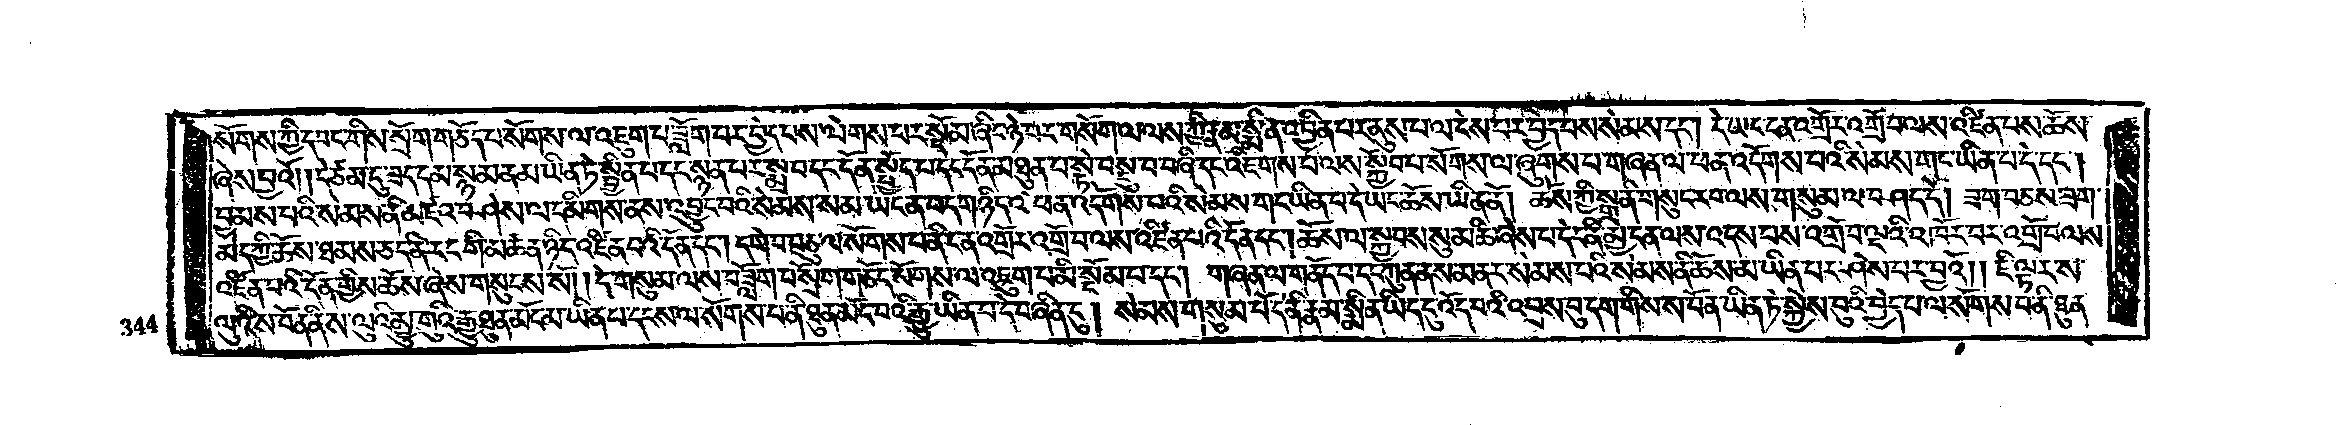སོགས་ཀྱི་དབང་གིས་སྲོག་གཅོད་པ་སོགས་ལ་འཇུག་པ་ཟློག་པར་བྱེད་པས་ལེགས་པར་སྡོམ་ཞིང་ཉེ་བར་གསོག་ལ་ལས་ཀྱི་རྣམ་སྨིན་འབྱིན་པར་ནུས་པ་ལ་ངེས་པར་བྱེད་པས་སེམས་དང་། དེ་ཡང་ངན་འགྲོར་འགྲོ་བ་ལས་འཛིན་པས་ཆོས་
ཞེས་བྱའོ། །དེ་ཙམ་དུ་ཟད་དམ་སྙམ་ནམ་ཡིན་ཏེ་སྦྱིན་པ་དང་སྙན་པར་སྨྲ་བ་དང་དོན་སྤྱོད་པ་དང་དོན་མཐུན་པ་སྟེ་བསྡུ་བ་བཞི་དང་འཇིགས་པ་ལས་སྐྱོབ་པ་སོགས་ལ་ཞུགས་པ་གཞན་ལ་ཕན་འདོགས་པའི་སེམས་གང་ཡིན་པ་དེ་དང་།
བྱམས་པའི་སེམས་ནི་མཛའ་བཤེས་ལ་དམིགས་ནས་འབྱུང་བའི་སེམས་སམ་ཡང་ན་བདག་ཉིད་ལ་ཕན་འདོགས་པའི་སེམས་གང་ཡིན་པ་དེ་ཡང་ཆོས་ཡིན་ནོ། །ཚོས་ཀྱི་སྒྲ་ནི་གསུང་རབ་ལས་གསུམ་ལ་བཤད་དེ། ཟག་བཅས་ཟག་
མེད་ཀྱི་ཆོས་ཐམས་ཅད་ནི་རང་གི་མཚན་ཉིད་འཛིན་པའི་དོན་དང་། དགེ་བ་བཅུ་ལ་སོགས་པ་ནི་ངན་འགྲོར་འགྲོ་བ་ལས་འཛིན་པ་དོན་དང་། ཆོས་ལ་སྐྱབས་སུ་མཆི་ཞེས་པ་དེར་ནི་མྱ་ངན་ལས་འདས་པས་འགྲོ་བ་ལྔའི་འཁོར་བར་འགྲོ་བ་ལས་
འཛིན་པའི་དོན་གྱི་ཆོས་ཞེས་གསུངས་སོ། །དེ་གསུམ་ལས་བཟློག་པ་སོགས་གཅོད་སོགས་ལ་འཇུག་པ་མི་སྡོམ་པ་དང་། གཞན་ལ་གནོད་པ་དང་ཀུན་ནས་མནར་སེམས་པའི་སེམས་ནི་ཆོས་མ་ཡིན་པར་ཤེས་པར་བྱའོ། །ཇི་ལྟར་ས་
ལུའི་ས་བོན་ནི་ས་ལུའི་མྱུ་གུའི་རྒྱུ་ཐུན་མོང་མ་ཡིན་པ་དངས་ལ་སོགས་པ་ནི་ཐུན་མོང་བའི་རྒྱུ་ཡིན་པ་དེ་བཞིན་དུ། སེམས་གསུམ་པོ་དེ་ནི་རྣམ་སྨིན་ཡིད་དུ་འོད་པའི་འབྲས་བུ་དག་གིས་ས་བོན་ཡིན་ཏེ་སྐྱེས་བུའི་བྱེད་པ་ལ་སོགས་པ་ནི་ཐུན་